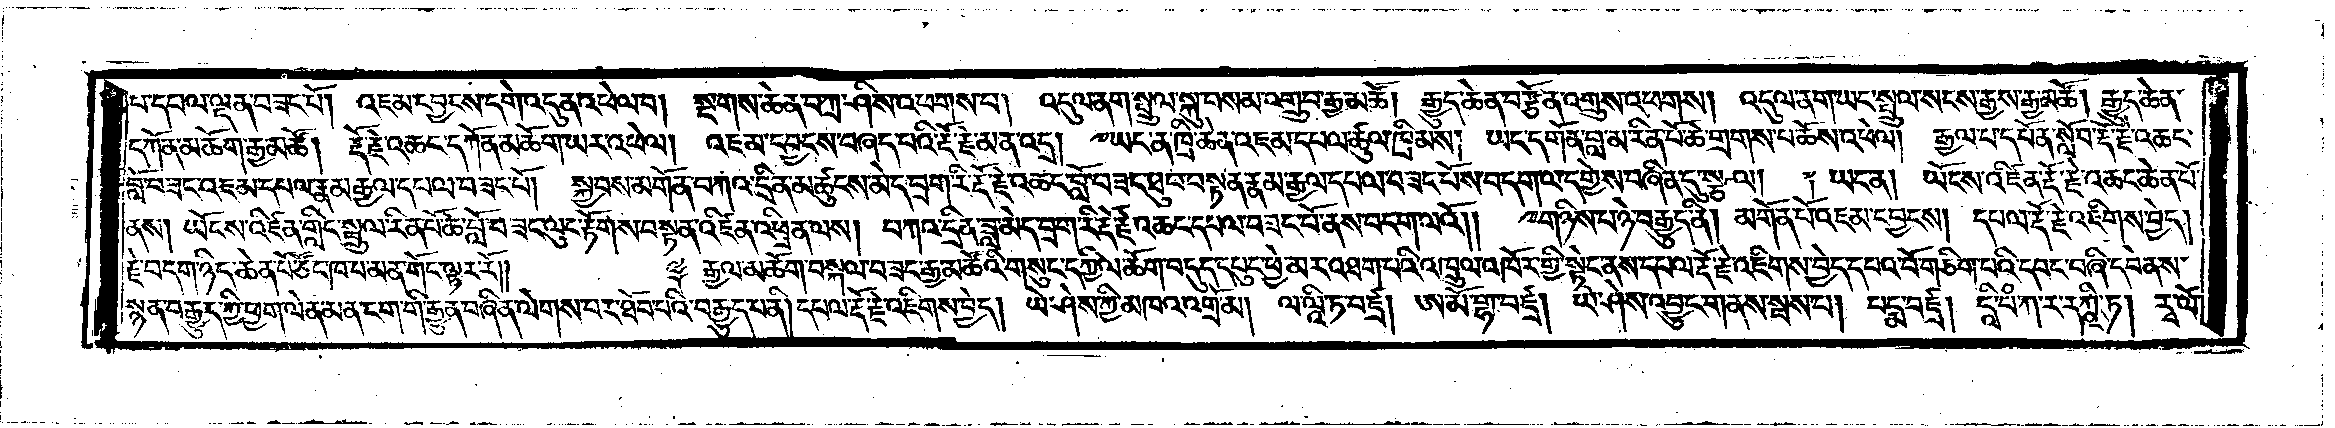པ་དཔལ་ལྡན་བཟང་པོ། འཇམ་དབྱངས་དགེ་འདུན་འཕེལ་བ། སྔགས་ཆེན་བཀྲ་ཤེས་འཕགས་པ། འདུལ་ནག་སྤྲུལ་སྐུ་བསམ་འགྲུབ་རྒྱ་མཚོ། རྒྱུད་ཆེན་བརྩོན་འགྲུས་འཕགས། འདུལ་ནག་ཡང་སྤྲུལ་སངས་རྒྱས་རྒྱ་མཚོ། རྒྱུད་ཆེན་
དཀོན་མཆོག་རྒྱ་མཚོ། རྡོ་རྗེ་འཆང་དཀོན་མཆོག་ཡར་འཕེལ། འཇམ་དབྱངས་བཞད་པའི་རྡོ་རྗེ་མན་འདྲ། ༧ཡང་ན་ཁྲི་ཆེན་འཇམ་དཔལ་ཚུལ་ཁྲིམས། ཡང་དགོན་བླ་མ་རིན་པོ་ཆེ་གྲགས་པ་ཆོས་འཕེལ། རྒྱལ་པ་དཔོན་སློབ་རྡོ་རྗེ་འཆང་
བློ་བཟང་འཇམ་དཔལ་རྣམ་རྒྱལ་དཔལ་བཟང་པོ། སྐྱབས་མགོན་བཀའ་དྲིན་མཚུངས་མེད་བྲག་རི་རྡོ་རྗེ་འཆང་བློ་བཟང་ཐུབ་བསྟན་རྣམ་རྒྱལ་དཔལ་བཟང་པོས་བདག་ལ་དགྱེས་བཞིན་དུ་སྩལ། འ་ཡང་ན། ཡོངས་འཛིན་རྡོ་རྗེ་འཆང་ཆེན་པོ་
ནས། ཡོངས་འཛིན་གླིང་སྤྲུལ་རིན་པོ་ཆེ་བློ་བཟང་ལུང་རྟོགས་བསྟན་འཛིན་འཕྲིན་ལས། བཀའ་དྲིན་ཟླ་མེད་བྲག་རི་རྡོ་རྗེ་འཆང་དཔལ་བཟང་པོ་ནས་བདག་ལའོ།། ༧གཉིས་པ་ཉེ་བརྒྱུད་ནི། མགོན་པོ་འཇམ་དབྱངས། དཔལ་རྡོ་རྗེ་འཇིགས་བྱེད།
རྗེ་བདག་ཉིད་ཆེན་པོ་ཙོང་ཁ་པ་མན་གོང་ལྟར་རོ།། འ་རྒྱལ་མཆོག་བསྐལ་བཟང་རྒྱ་མཚོའི་གསུང་དཀྱིལ་ཆོག་བདུད་དཔུང་ཕྱེ་མར་འཐག་པའི་འཁྲུལ་འཁོར་གྱི་སྟེང་ནས་དཔལ་རྡོ་རྗེ་འཇིགས་བྱེད་དཔའ་བོ་གཅིག་པའི་དབང་བཞི་དབེ་ནས་
སྙན་བརྒྱུད་ཀྱི་ཕྱག་ལེན་མན་ངག་གི་རྒྱུན་བཞིན་ལེགས་པར་ཐོབ་པའི་བརྒྱུད་པ་ནི། དཔལ་རྡོ་རྗེ་འཇིགས་བྱེད། ཡེ་ཤེས་ཀྱི་མཁའ་འགྲོ་མ། ལ་ལཱི་ཏ་བཛྲ། ཨ་མོ་གྷ་བཛྲ། ཡེ་ཤེས་འབྱུང་གནས་སྦས་པ། པདམ་བཛྲ། དེའི་པཾ་ཀ་ར་རཀྵི་ཏ། རྭ་ལོ་